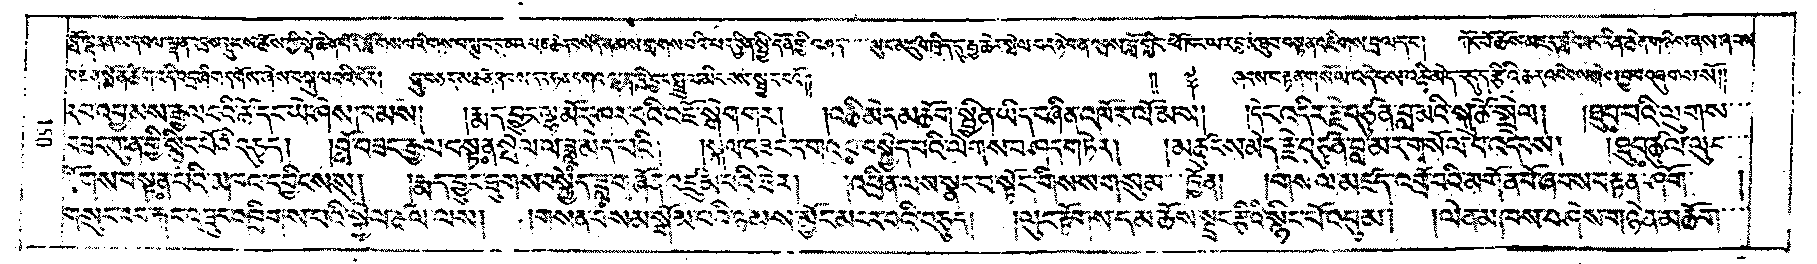བློ་ལྡན་ནས་དཔལ་ལྡན་འབྲས་སྤུངས་ཆོས་ཀྱི་སྡེ་ཆེན་པོར་བློ་གསལ་རིགས་པ་སྨྲ་བ་དུ་མར་པཎ་ཆེན་བསོད་ནམས་གྲགས་པའི་ཕར་ཕྱིན་སྤྱི་དོན་གྱི་བཤད་ལུང་མཛུབ་ཁྲིད་དུ་རྒྱ་ཆེར་སྤེལ་བར་ཉེ་བ་ན་འབྲས་བློ་གླིང་ཕོ་ཁང་ཡར་བླ་མ་ཐུབ་བསྟན་འཇིགས་བྲལ་དང་། ཀོང་པོ་ཆོས་མཛད་བློ་བཟང་རིན་ཆེན་གཉིས་ནས་ཞབས་
བརྟན་སྨོན་ཚིག་འདི་འདྲ་ཞིག་དགོས་ཞེས་བསྐུལ་བའི་ངོར། སྐུ་བཅར་མཚན་ཞབས་དར་ཧན་དགའ་ལྡན་ཁྲི་བྱང་སྤྲུལ་མིང་བས་སྦྱར་བའོ།། །། ༈ ཞབས་བརྟན་གསོལ་འདེབས་འཆི་མེད་བདུད་རྩིའི་ཆར་འབེབས་ཞེས་བྱ་བ་བཞུགས་སོ། །
རབ་འབྱམས་རྒྱལ་བའི་ཚེ་དང་ཡེ་ཤེས་ཁམས། །རྨད་བྱུང་ལྷ་མོར་ཤར་བའི་འཇོ་སྒེག་གར། །འཆི་མེད་མཆོག་སྦྱིན་ཡིད་བཞིན་འཁོར་ལོ་མས། །དེང་འདིར་རྗེ་བཙུན་བླ་མའི་སྐུ་ཚེ་སྤེལ། །ཐུབ་པའི་ལུགས་
བཟང་ཀུན་གྱི་སྙིང་པོའི་བཅུད། །བློ་བཟང་རྒྱལ་བསྟན་སྤེལ་ལ་ཟླ་མེད་པའི། །སྐལ་བཟང་དགའ་བ་བསྐྱེད་པའི་ལེགས་བཤད་གཏེར། །མཚུངས་མེད་རྗེ་བཙུན་བླ་མར་གསོལ་བ་འདེབས། །ཐུབ་ཚུལ་ལུང་
རྟོགས་བསྟན་པའི་མཁའ་དབྱིངས་སུ། །རྨད་བྱུང་ཐུགས་བསྐྱེད་ཟླ་གཞོན་འཛུམ་པའི་ཟེར། །འཕྲིན་ལས་སྣང་བ་སྟོང་གིས་ས་གསུམ་ཁྱོན། །གསལ་མཛད་འགྲོ་བའི་མགོན་པོ་ཞབས་བརྟན་ཤོག །
གསུང་རབ་རྐང་འཐུང་འཁྲིགས་པའི་སྐྱེལ་ཚལ་ལས། །གསན་བསམ་སྒོམ་པའི་ཉམས་མྱོང་མངར་བའི་བཅུད། །ལུང་རྟོགས་དམ་ཆོས་སྦྲང་རྩིའི་སྙིང་པོ་འབུམ། །ལེན་མཁས་བཤེས་གཉེན་མཆོག་